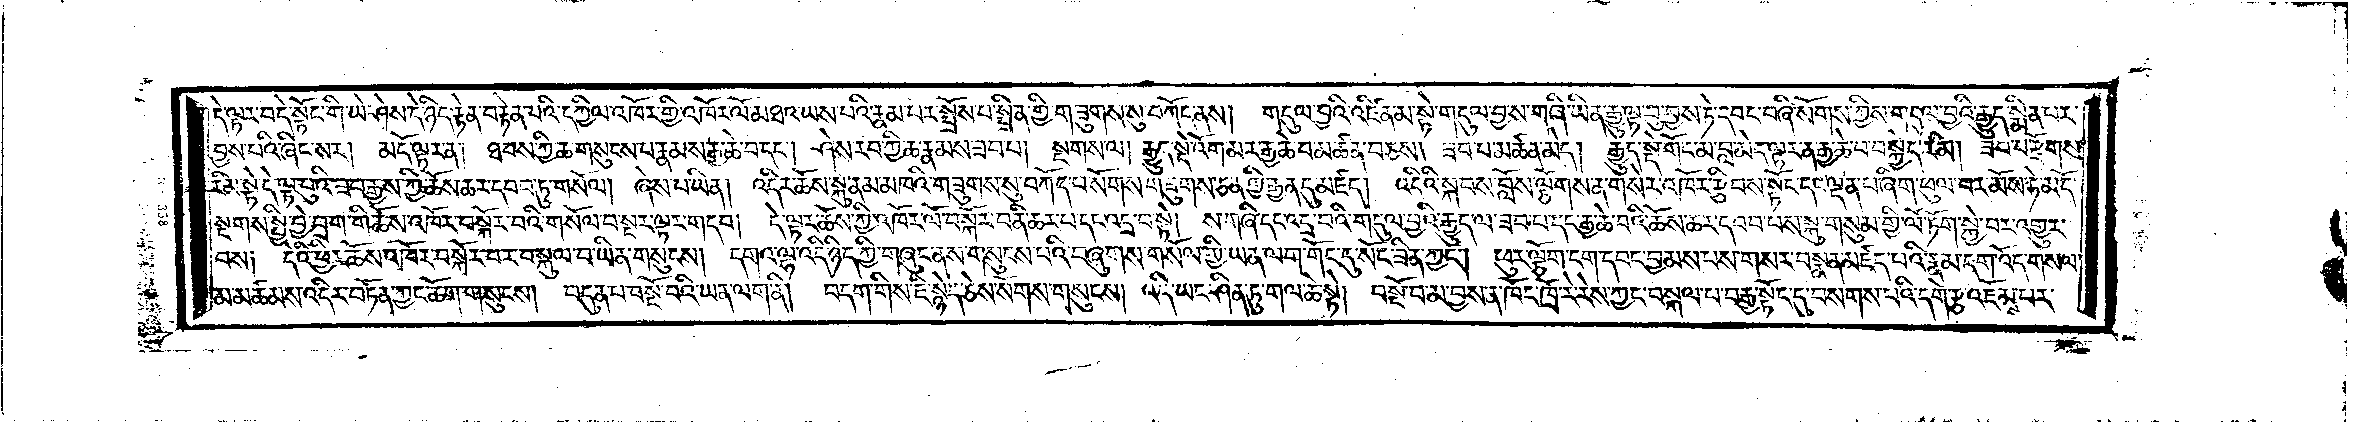དེ་ལྟར་བདེ་སྟོང་གི་ཡེ་ཤེས་དེ་ཉིད་རྟེན་བརྟེན་པའི་དཀྱིལ་འཁོར་གྱི་འཁོར་ལོ་མཐའ་ཡས་པའི་རྣམ་པར་སྤྲོས་པ་སྤྲིན་གྱི་གཟུགས་སུ་བཀོད་ནས། གདུལ་བྱའི་འཛིན་མ་སྟེ་གདུལ་བྱ་ས་གཞི་ཡིན་རྒྱུ་ལྟ་བུ་བྱས་ཏེ་དབང་བཞི་སོགས་ཀྱིས་གདུལ་བྱའི་རྒྱུད་སྨིན་པར་
བྱས་པའི་ཞིང་སར། མདོ་ལྟར་ན། ཐབས་ཀྱི་ཆ་གསུངས་པ་རྣམས་རྒྱ་ཆེ་བ་དང་། ཤེས་རབ་ཀྱི་ཆ་རྣམས་ཟབ་པ། སྔགས་ལ། རྒྱུད་སྡེ་འོག་མར་རྒྱ་ཆེ་བ་མཚན་བཅས་ཟབ་པ་མཚན་མེད། རྒྱུད་སྡེ་གོང་མ་བླ་མེད་ལྟར་ན་རྒྱ་ཆེ་བ་བསྐྱེད་རིམ། ཟབ་པ་རྫོགས་
རིམ་སྟེ་དོ་ལྟ་བུའི་ཟབ་རྒྱས་ཀྱི་ཆོས་ཆར་དབབ་ཏུ་གསོལ། ཞེས་པ་ཡིན། འདིར་ཆོས་སྐུ་ནམ་མཁའི་གཟུགས་སུ་བཀོད་པ་སོགས་གཟུགས་ཅན་གྱི་རྒྱུན་དུ་མཛད། འདིའི་སྐབས་བློས་ལྕོགས་ན་གསེར་འཁོར་རྩེ་བས་སྟོང་དང་ལྡན་པ་ཞིག་ཕུལ་བར་མོས་ཏེ་མདོ་
སྣགས་སྤྱི་བྱེ་བྲག་གི་ཆོས་འཁོར་བསྐོར་བའི་གསོལ་བ་སྔར་ལྟར་གདབ། དེ་ལྟར་ཆོས་ཀྱི་འཁོར་ལོ་བསྐོར་བ་ནི་ཆར་པ་དང་འདྲ་བ་སྟེ། ས་གཞི་དང་འདྲ་བའི་གདུལ་བྱའི་རྒྱུད་ལ་ཟབ་པ་དང་རྒྱ་ཆེ་བའི་ཆོས་ཆར་དབབ་པས་སྐུ་གསུམ་གྱི་ལོ་ཏོག་སྐྱེ་བར་འགྱུར་
བས༑ དེའི་ཕྱིར་ཆོས་འཁོར་བསྐོར་བར་བསྐུལ་བ་ཡིན་གསུངས། དགའ་ལྷ་འདི་ཉིད་ཀྱི་གཞུང་ནས་གསུངས་པའི་བཞུགས་གསོལ་གྱི་ཡན་ལག་གོང་དུ་སོང་ཟིན་ཀྱང་། ཕུར་ལྕོག་ངག་དབང་བྱམས་པས་གསར་བསྣན་མཛད་པའི་རྣམ་དག་འོད་གསལ་
མ་མཚམས་འདིར་བཏོན་ཀྱང་ཆོག་གསུངས། བདུན་པ་བསྔོ་བའི་ཡན་ལག་ནི། བདག་གིས་ཇི་སྙེད་ཅེས་སོགས་གསུངས། འདི་ཡང་ཤིན་ཏུ་གལ་ཆེ་སྟེ། བསྔོ་བ་མ་བྱས་ན་ཁོང་ཁྲོ་རེ་རེས་ཀྱང་བསྐལ་པ་བརྒྱ་སྟོང་དུ་བསགས་པའི་དགེ་རྩ་འཇོམས་པར་